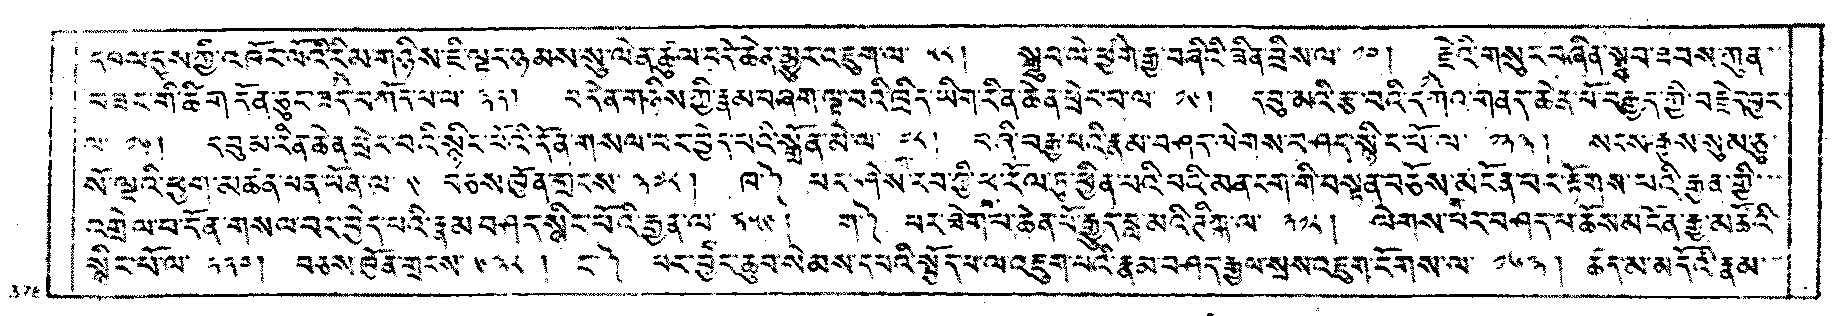དཔལ་དུས་ཀྱི་འཁོར་ལོའི་རིམ་གཉིས་ཇི་ལྟར་ཉམས་སུ་ལེན་ཚུལ་བདེ་ཆེན་མྱུར་འཇུག་ལ ༥༨། སྒྲུབ་ལེ་ཕྱག ༡?་རྒྱ་བཞིའི་ཟིན་བྲིས་ལ ༡༠། རྗེའི་གསུང་བཞིན་སྒྲུབ་ཐབས་ཀུན་
བཟང་གི་ཚིག་དོན་ཅུང་ཟད ༡་བཀོད་པ་ལ ༣༢། བདེན་གཉིས་ཀྱི་རྣམ་བཞག་ལྟ་བའི་ཁྲིད་ཡིག་རིན་ཆེན་ཕྲེང་བ་ལ ༡༤། དབུ་མའི་རྩ་བའི་དཀའ ༡?་དཀའ་གནད་ཆེན་པོ་བརྒྱད་ཀྱི་བརྗེད་བྱང་
ལ ༡༦། དབུ་མ་རིན་ཆེན་ཕྲེང་བའི་སྙིང་པོའི་དོན་གསལ་བར་བྱེད་པའི་སྒྲོན་མེ་ལ ༧༨། བཞི་བརྒྱ་པའི་རྣམ་བཤད་ལེགས་བཤད་སྙིང་པོ་ལ ༡༢༣། སངས་རྒྱས་སུམ་ཅུ་
སོ་ལྔའི་ཕྱག་མཚན་ཕན་ཡོན་ལ ༤་བཅས་ཁྱོན་གྲངས ༣༧༨། ཁ྄་པར་ཤེས་ཀ་རབ་ཀྱི་ཕ་རོལ་ཏུ་ཕྱིན་པའི་པའི་མན་ངག་གི་བསྟན་བཅོས་མངོན་པར་རྟོགས་པའི་རྒྱན་གྱི་
འགྲེལ་པ་དོན་གསལ་བར་བྱེད་པའི་རྣམ་བཤད་སྙིང་པོའི་རྒྱན་ལ ༣༥༤། ག྄་པར་ཐེག་ཁ་པ་ཆེན་པོ་རྒྱུད་བླ་མའི་ཊིཀྐ་ལ ༢༡༨། ལེགས་པར་ག་བཤད་པ་ཆོས་མངོན་རྒྱ་མཚོའི་
སྙིང་པོ་ལ ༢༢༠། བཅས་ཁྱོན་གྲངས ༤༣༨། ང྄་པར་བྱང་ཆུབ་སེམས་དཔའི་སྤྱོད་པ་ལ་འཇུག་པའི་རྣམ་བཤད་རྒྱལ་སྲས་འཇུག་ངོགས་ལ ༡༦༣། ཚད་མ་མདོའི་རྣམ་